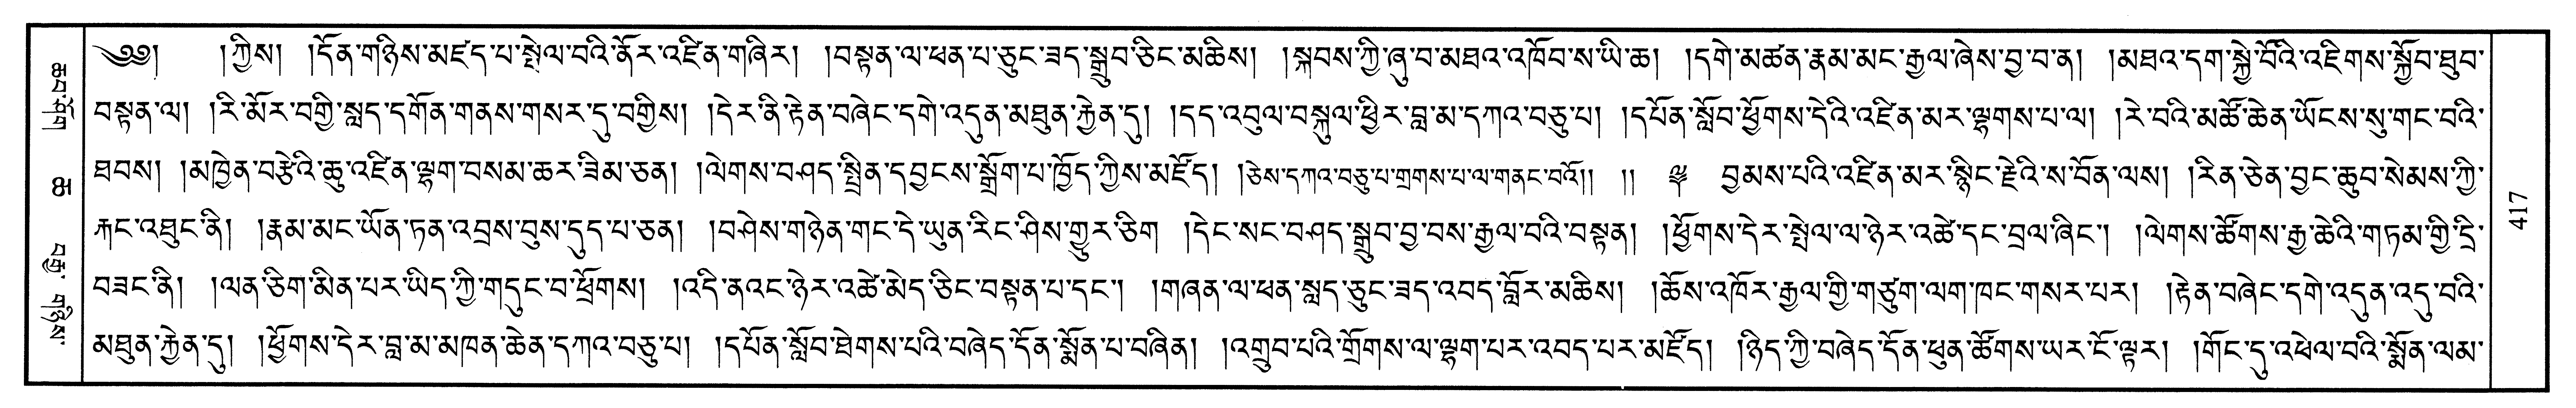༄༅། །ཀྱིས། །དོན་གཉིས་མཛད་པ་སྤེལ་བའི་ནོར་འཛིན་གཞིར། །བསྟན་ལ་ཕན་པ་ཅུང་ཟད་སྒྲུབ་ཅིང་མཆིས། །སྐབས་ཀྱི་ཞུ་བ་མཐའ་འཁོབ་ས་ཡི་ཆ། །དགེ་མཚན་རྣམ་མང་རྒྱལ་ཞེས་བྱ་བ་ན། །མཐའ་དག་སྐྱེ་བོའི་འཇིགས་སྐྱོབ་ཐུབ་
བསྟན་ལ། །རི་མོར་བགྱི་སླད་དགོན་གནས་གསར་དུ་བགྱིས། །དེར་ནི་རྟེན་བཞེང་དགེ་འདུན་མཐུན་རྐྱེན་དུ། །དད་འབུལ་བསྐུལ་ཕྱིར་བླ་མ་དཀའ་བཅུ་པ། །དཔོན་སློབ་ཕྱོགས་དེའི་འཛིན་མར་ལྷགས་པ་ལ། །རེ་བའི་མཚོ་ཆེན་ཡོངས་སུ་གང་བའི་
ཐབས། །མཁྱེན་བརྩེའི་ཆུ་འཛིན་ལྷག་བསམ་ཆར་ཟིམ་ཅན། །ལེགས་བཤད་སྤྲིན་དབྱངས་སྒྲོག་པ་ཁྱོད་ཀྱིས་མཛོད། །ཅེས་དཀའ་བཅུ་པ་གྲགས་པ་ལ་གནང་བའོ།། །། ༈ བྱམས་པའི་འཛིན་མར་སྙིང་རྗེའི་ས་བོན་ལས། །རིན་ཅེན་བྱང་ཆུབ་སེམས་ཀྱི་
རྐང་འཐུང་ནི། །རྣམ་མང་ཡོན་ཏན་འབྲས་བུས་དུད་པ་ཅན། །བཤེས་གཉེན་གང་དེ་ཡུན་རིང་ཤིས་གྱུར་ཅིག །དེང་སང་བཤད་སྒྲུབ་བྱ་བས་རྒྱལ་བའི་བསྟན། །ཕྱོགས་དེར་སྤེལ་ལ་ཉེར་འཚེ་དང་བྲལ་ཞིང་། །ལེགས་ཚོགས་རྒྱ་ཆེའི་གཏམ་གྱི་དྲི་
བཟང་ནི། །ལན་ཅིག་མིན་པར་ཡིད་ཀྱི་གདུང་བ་ཕྲོགས། །འདི་ནའང་ཉེར་འཚེ་མེད་ཅིང་བསྟན་པ་དང་། །གཞན་ལ་ཕན་སླད་ཅུང་ཟད་འབད་བློར་མཆིས། །ཆོས་འཁོར་རྒྱལ་གྱི་གཙུག་ལག་ཁང་གསར་པར། །རྟེན་བཞེང་དགེ་འདུན་འདུ་བའི་
མཐུན་རྐྱེན་དུ། །ཕྱོགས་དེར་བླ་མ་མཁན་ཆེན་དཀའ་བཅུ་པ། །དཔོན་སློབ་ཐེགས་པའི་བཞེད་དོན་སྨོན་པ་བཞིན། །འགྲུབ་པའི་གྲོགས་ལ་ལྷག་པར་འབད་པར་མཛོད། །ཉིད་ཀྱི་བཞེད་དོན་ཕུན་ཚོགས་ཡར་ངོ་ལྟར། །གོང་དུ་འཕེལ་བའི་སྨོན་ལམ་